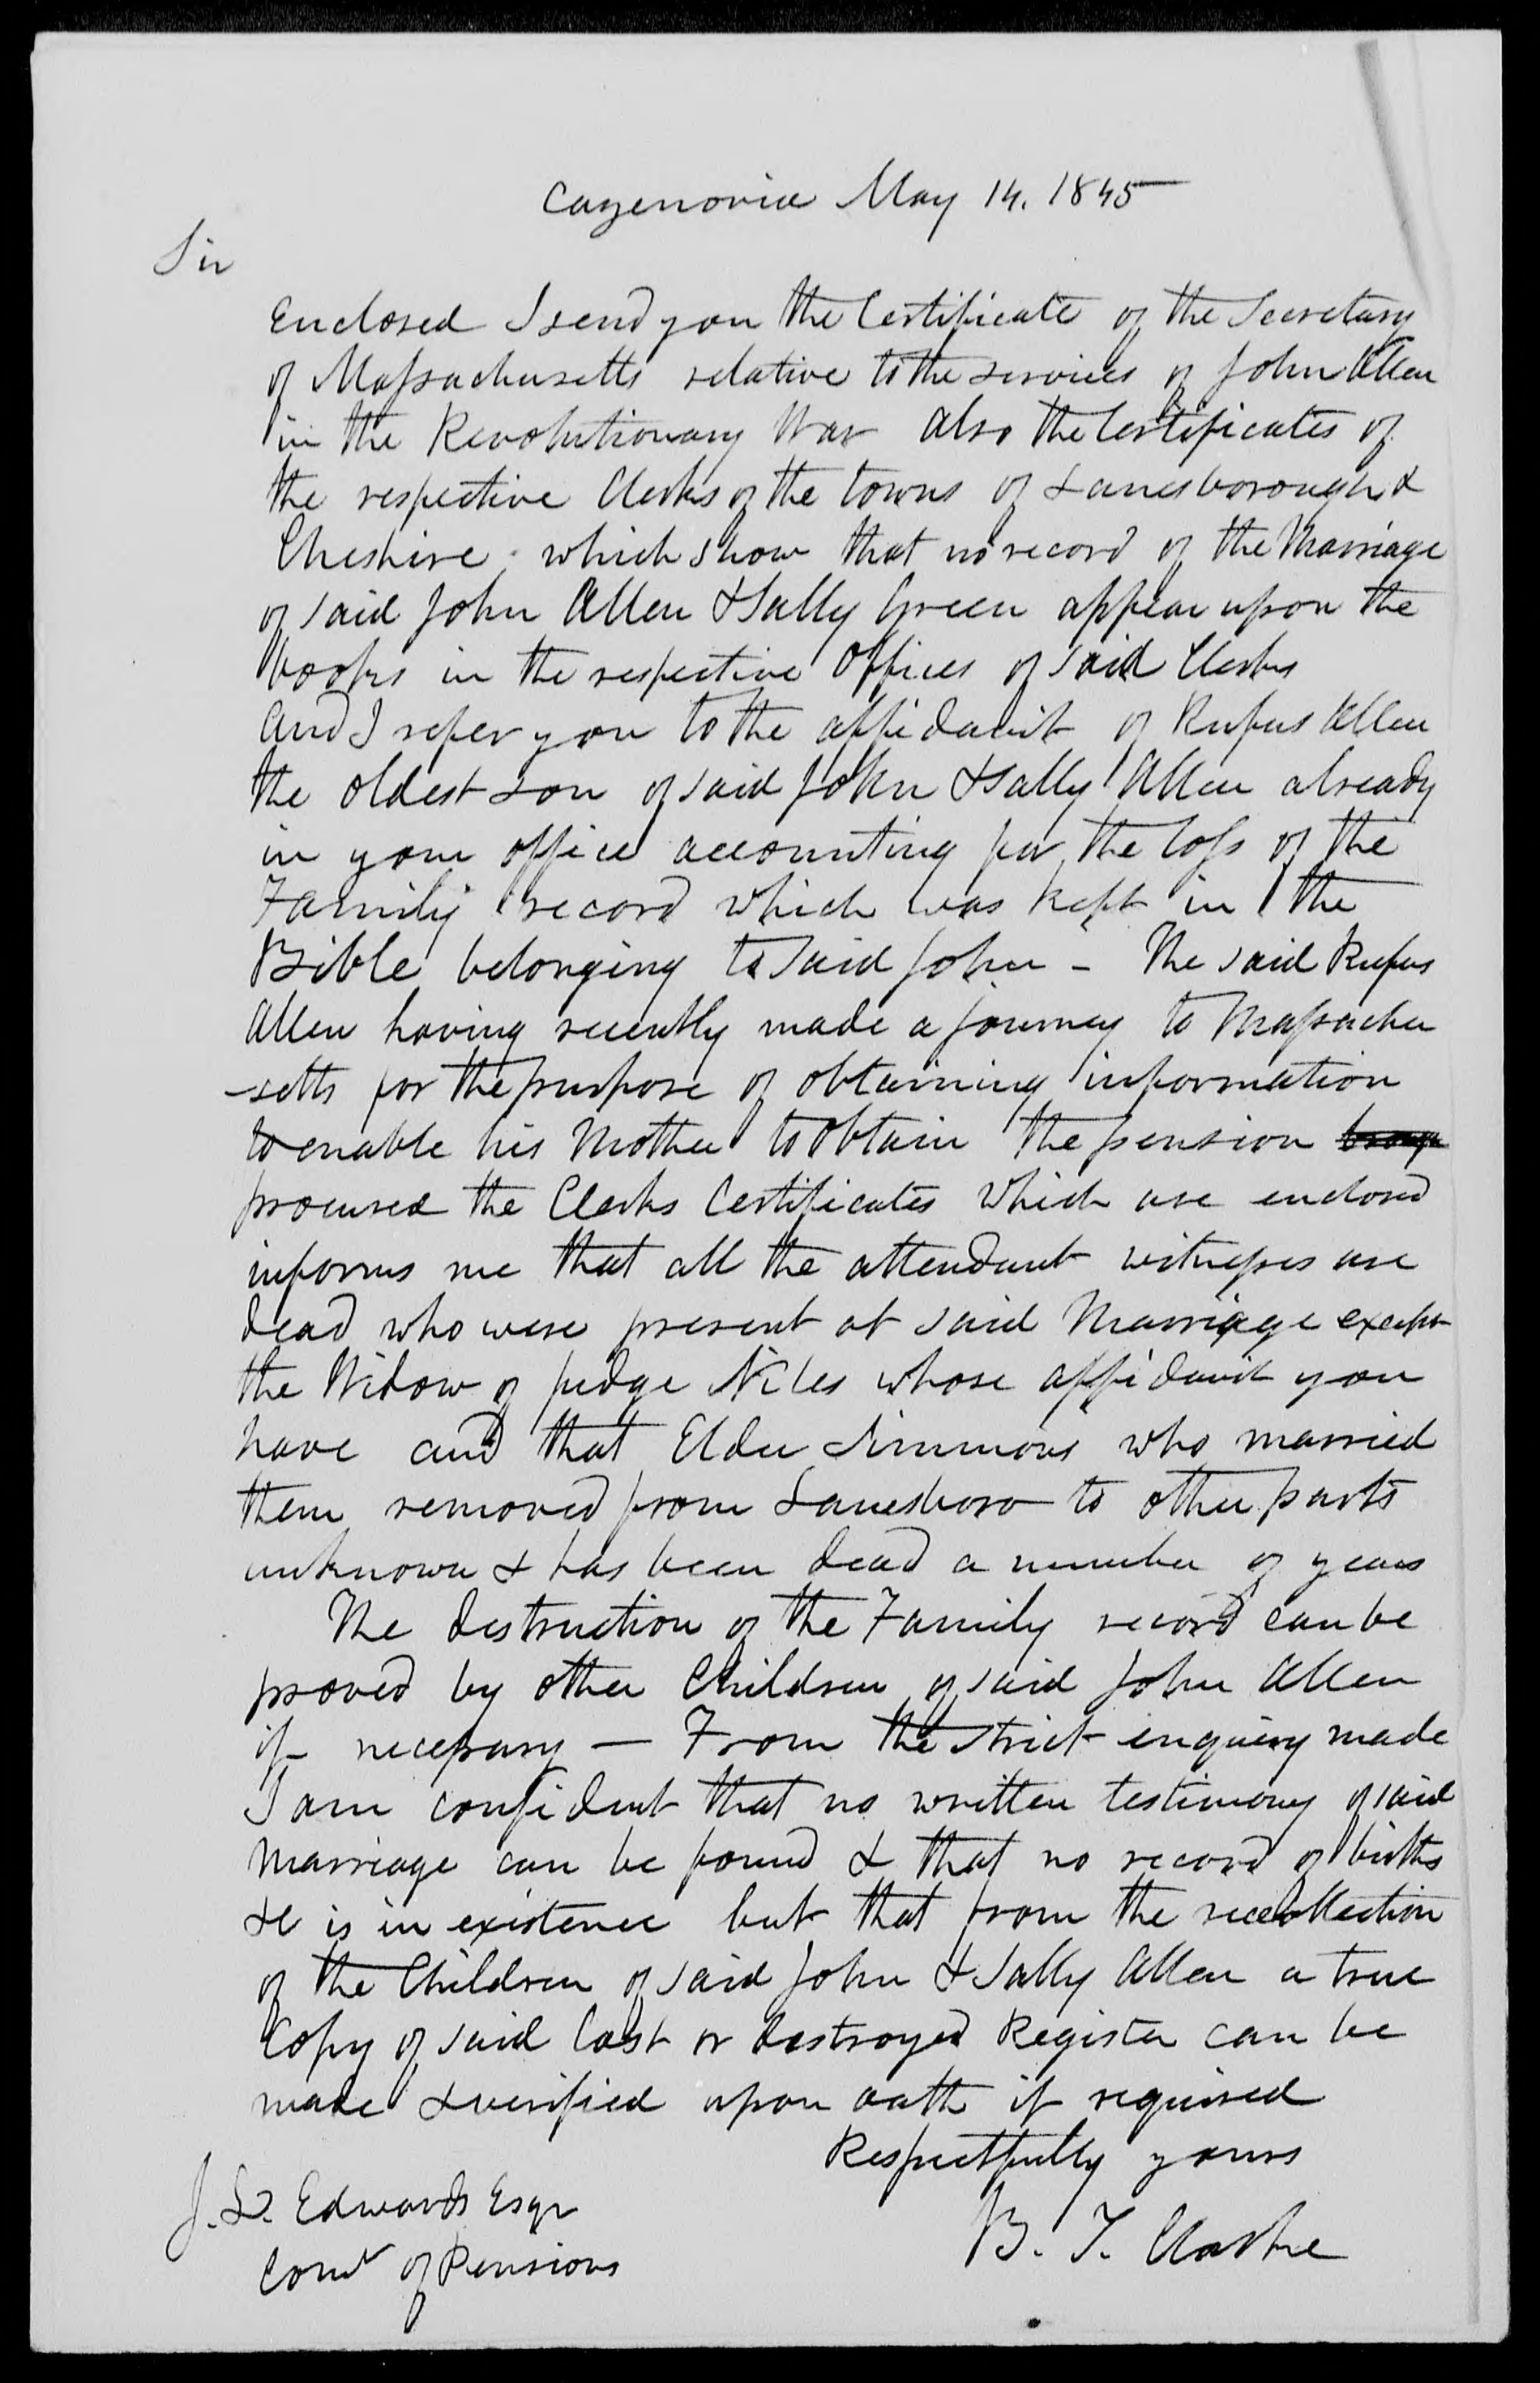Cazenovia May 14, 1845

Sir
Enclosed I send you the Certificate of the Secretary of Massachusetts relative to the services of John Allen in the Revolutionary War also the certificates of the respective Clerks of the towns of Lanesborough & Cheshire, which show that no record of the Marriage of said John Allen & Sally Green appear upon the books in the respective offices of said Clerks and I refer you to the affidavit of Rufus Allen the oldest son of said John & Sally Allen already to in your office accounting for the loss of the Family record which was kept in the Bible belonging to said John - The said Rufus Allen having recently made a journey to Massachusetts for the purpose of obtaining information to enable his mother to obtain the pension procured the Clerks Certificates which are enclosed informs me that all the attendant witnesses are dead who were present at said Marriage except the Widow of Judge Niles whose affidavit you have and that Elder Simmons who married them removed from Lanesborough to other parts unknown & has been dead a number of years 
The destruction of the Family record can be proved by other children of said John Allen if necessary - From the strict inquiry made I am confident that no written testimony of said marriage can be found & that no record births &c is in existence but that from the recollection of the children of said John & Sally Allen a true Copy of said last or destroyed Register can be made & verified upon oath if required 
Respectfully yours
B. T. Clarke
J. L. Edwards Esqr 
Comr of Pensions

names: J L Edwards, John Allen, Niles, John Allen, John Allen, Sally Allen, John Allen, B T Clarke, Sally Green, Rufus Allen, Sally Allen, Rufus Allen, John, John Allen, Elder Simmons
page: 61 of 74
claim: widow's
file: W. 23424, John Allen, Mass. R. I.